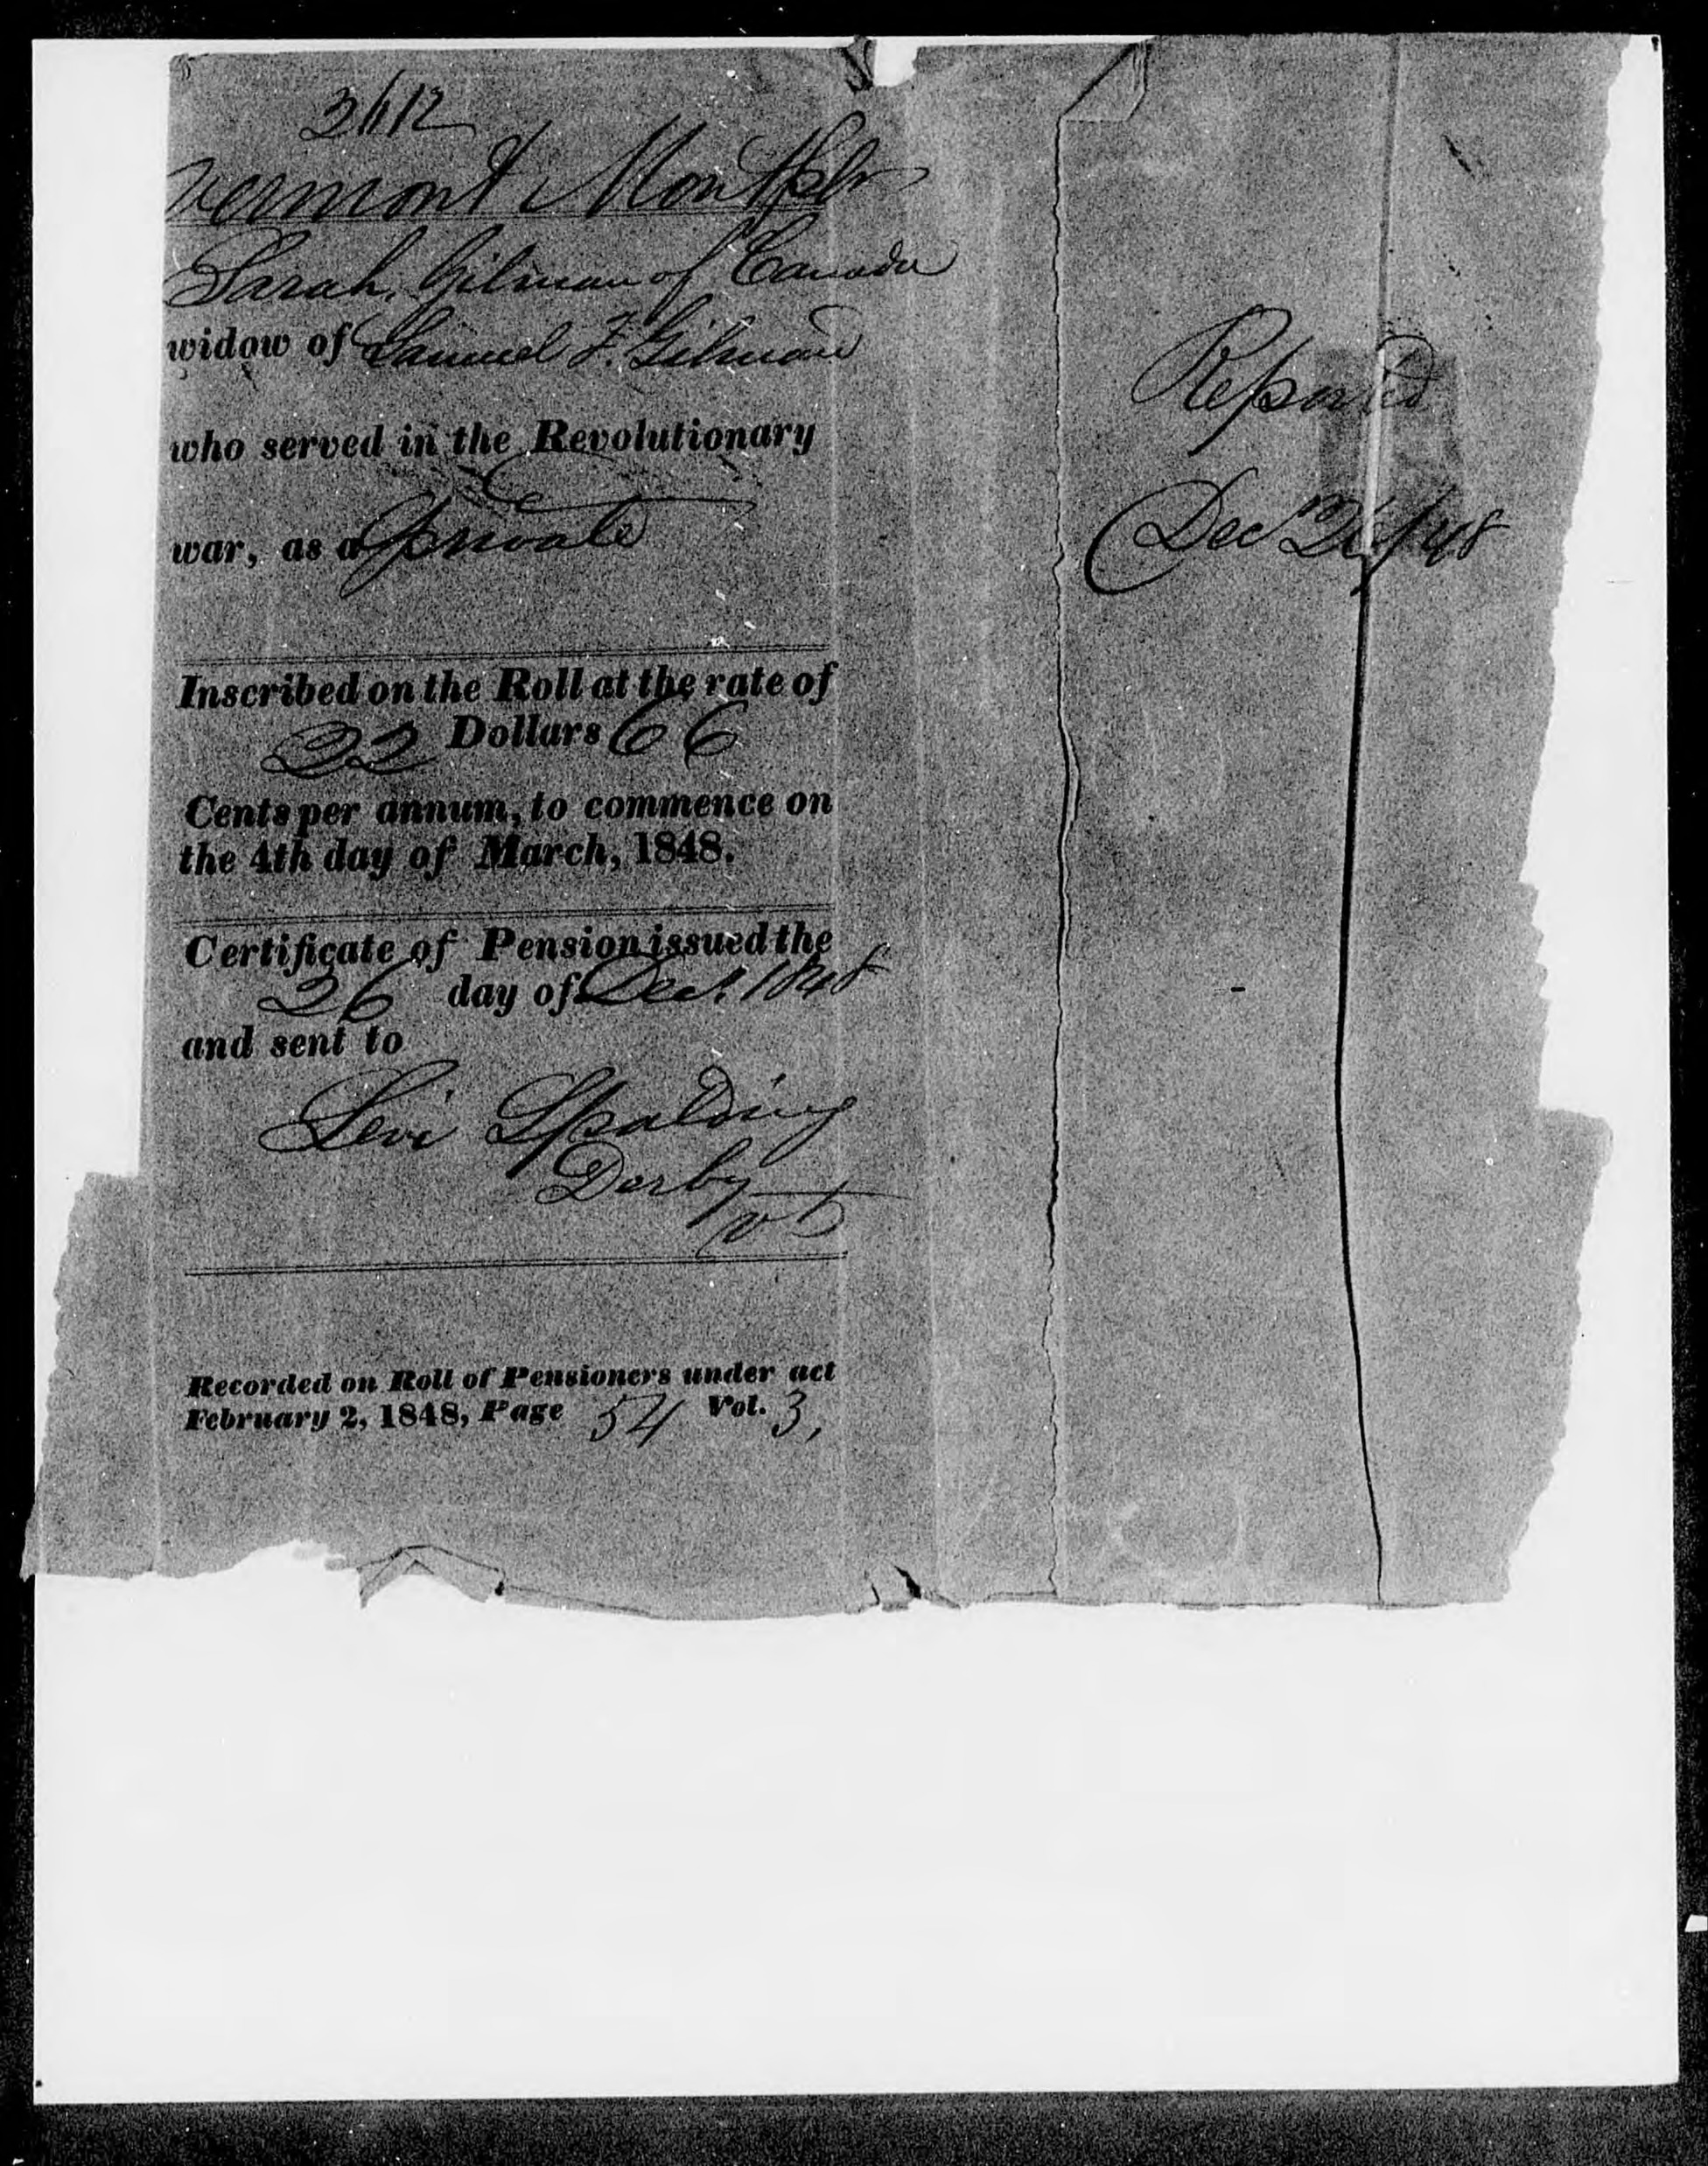left column
21112
Vermont Montplr.
=====
Sarah Gilman of Canada
widow of Samuel T. Gilman
who served in the Revolutionary
war, as a private
=====
Inscribed on the Roll at the rate of
22 Dollars 66
Cents per annum, to commence on
the 4th day of March, 1848.
=====
Certificate of Pension issued the
26 day of Dec. 1848
and sent to
Levi Spalding
Derby
Vt.
=====
Recorded on Roll of Pensioners under act
February 2, 1848, Page 54, Vol. 3,

right column
Reported
Dec 26/48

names: Levi Spalding, Sarah Gilman, Samuel T Gilman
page: 24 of 61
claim: widow's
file: W. 19500, Samuel Thing Gilman, Continental N.H.